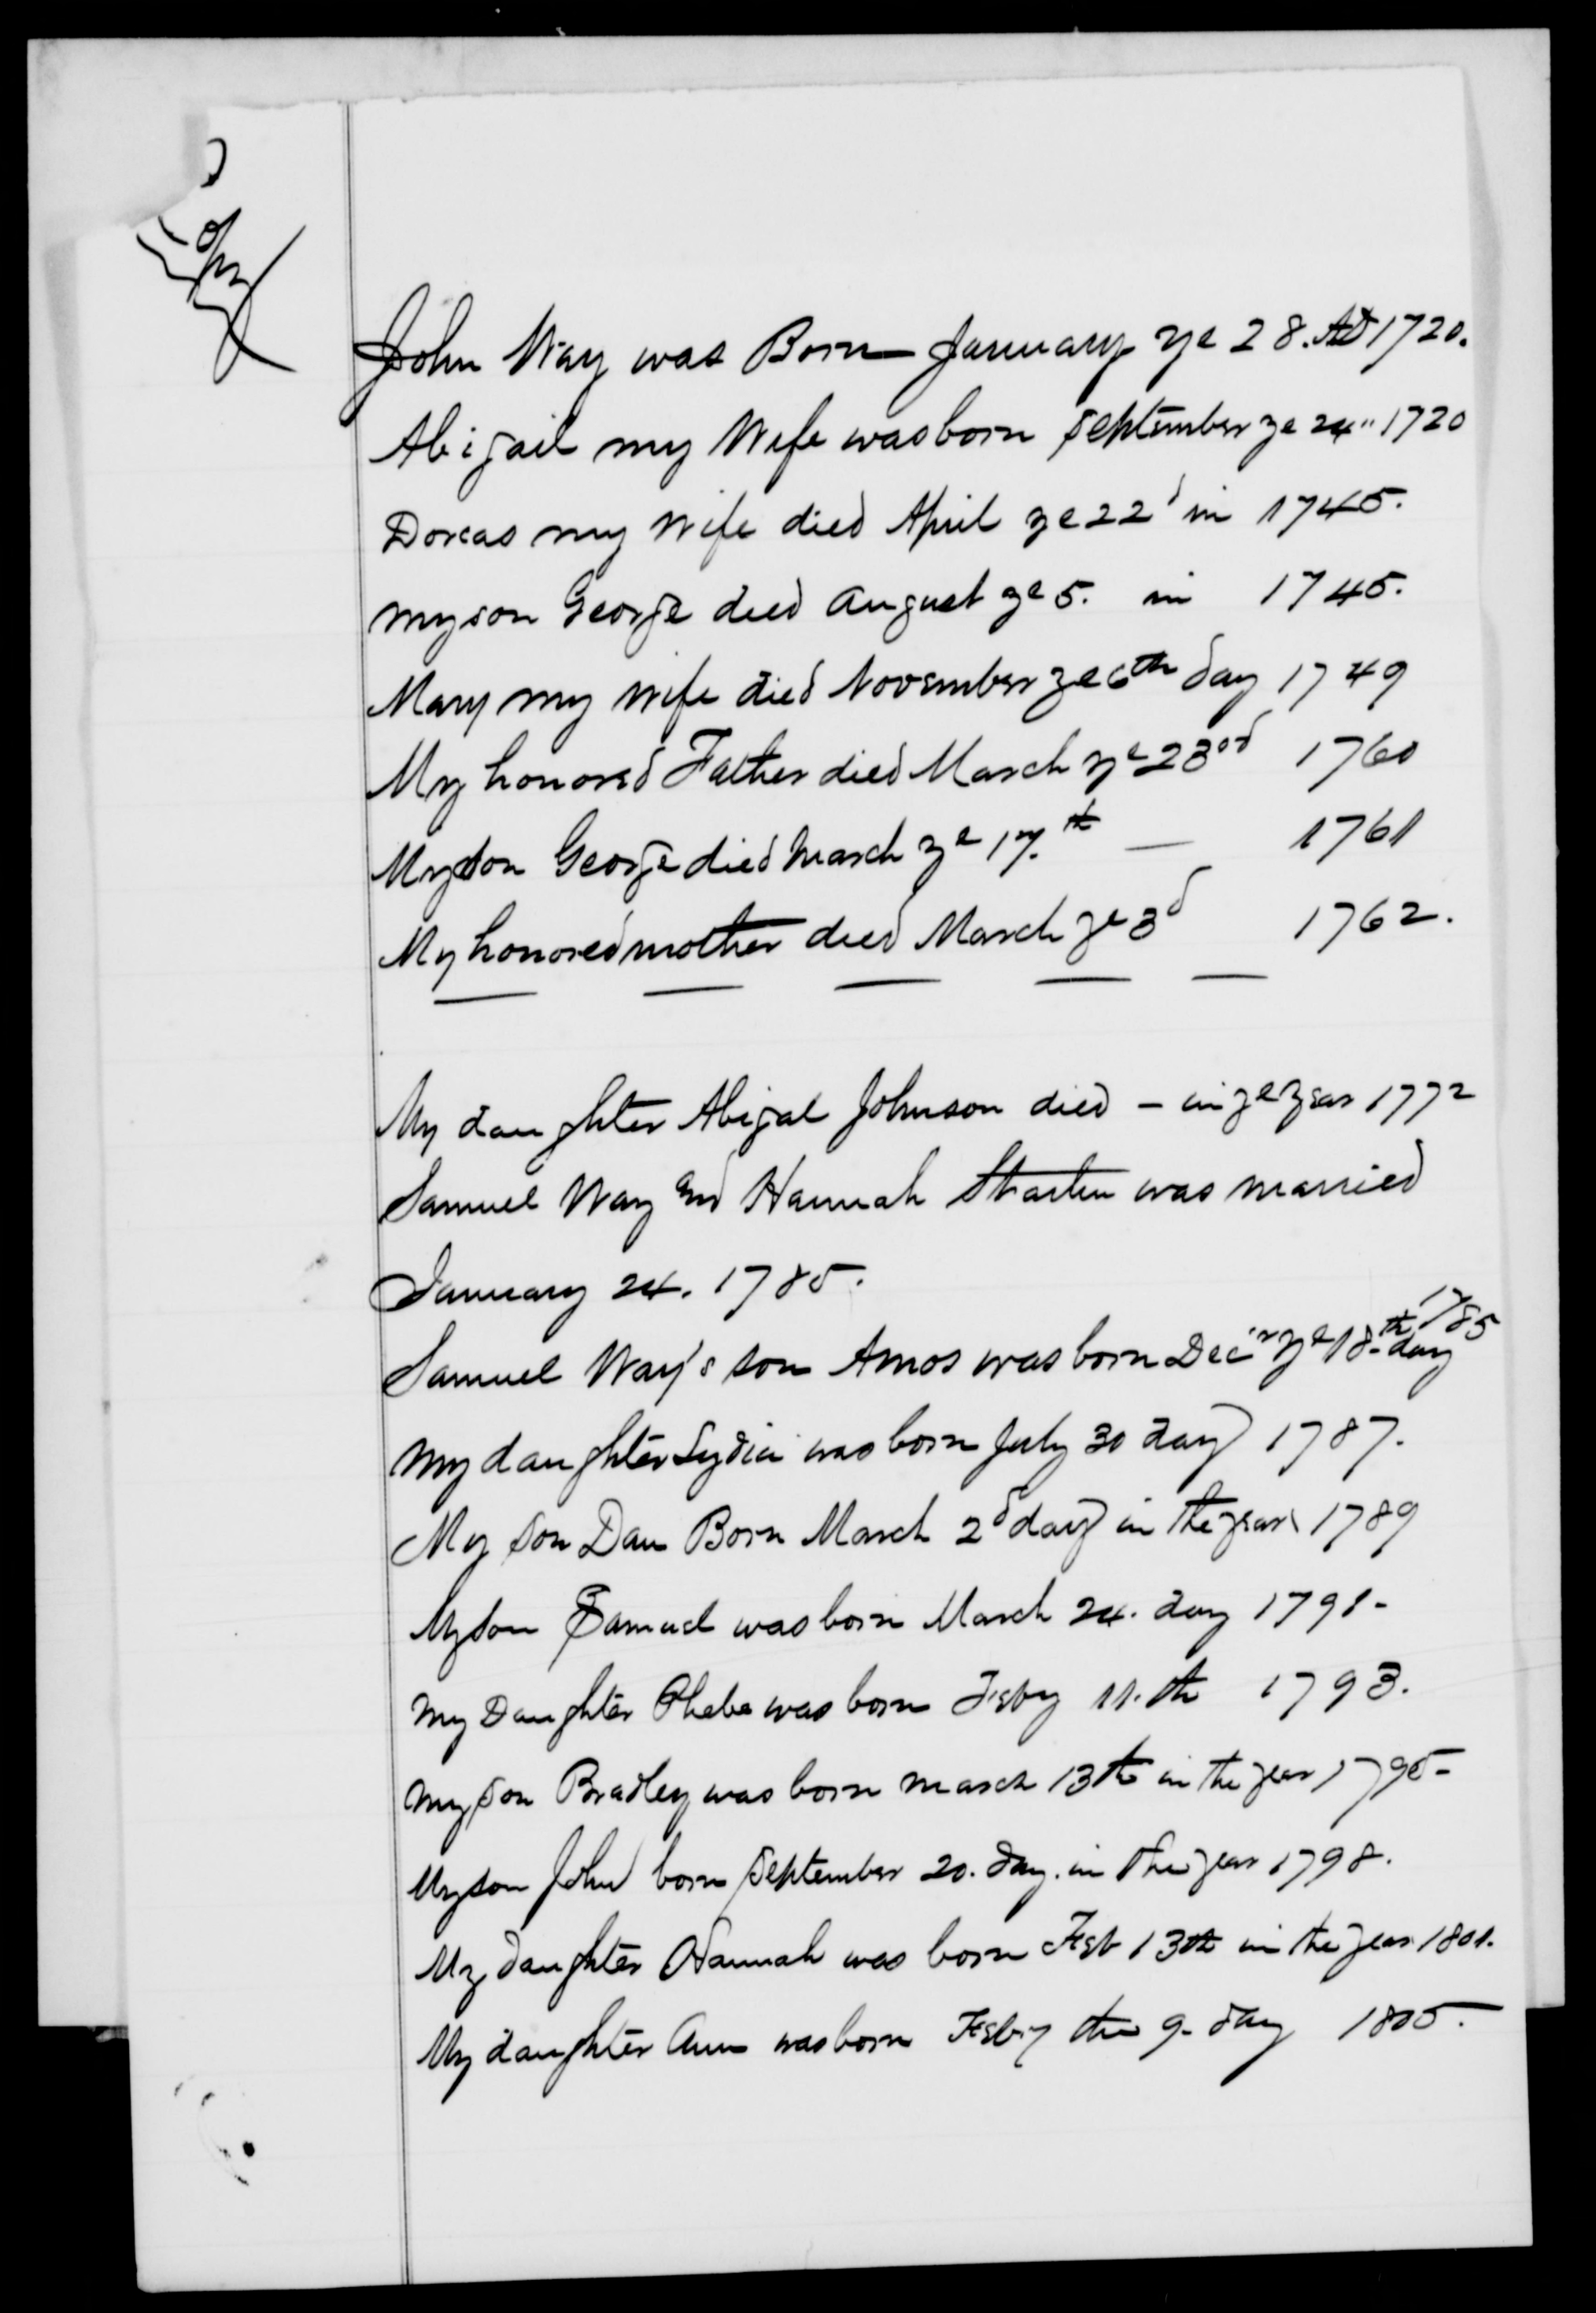Copy
John Way was Born January ye 28. 1720
Abigail my wife was born September ye 24" 1720
Dorcas my wife died April ye 22 in 1745
my son George died August  ye 5 in 1745.
Mary my wife died November ye 6th day 1749
My honored Father died March ye 23rd 1760
My son George died March ye 17th 1761
My honored mother died March ye 3d 1762.
My daughter Abigal Johnson died - in year 1772
Samuel Way and Hannah Starlin was married
January 24, 1785.
Samuel Way's son Amos was born Dec ye 18th day 1785
my daughter Lydia was born July 30 day 1787
My Son Dan Born March 2d day in the year 1789
son Samuel was born March 24 day 1791
my Daughter Phebe was born Feby 11th 1793
my son Bradley was born March 13th in the year 1796
my son John born September 20 day, in the year 1798
my daughter Hannah was born Feb 13th in the year 1801
my daughter Ann was born Feby the 9th 1805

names: Hannah Starlin, Lydia, Samuel Way, Hannah, Phebe, George, Ann, Mary, Amos, Bradley, Abigail, Abigal Johnson, Dorcas, Dan, John Way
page: 13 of 78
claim: widow's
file: W. 25856, Samuel Way, N.H.